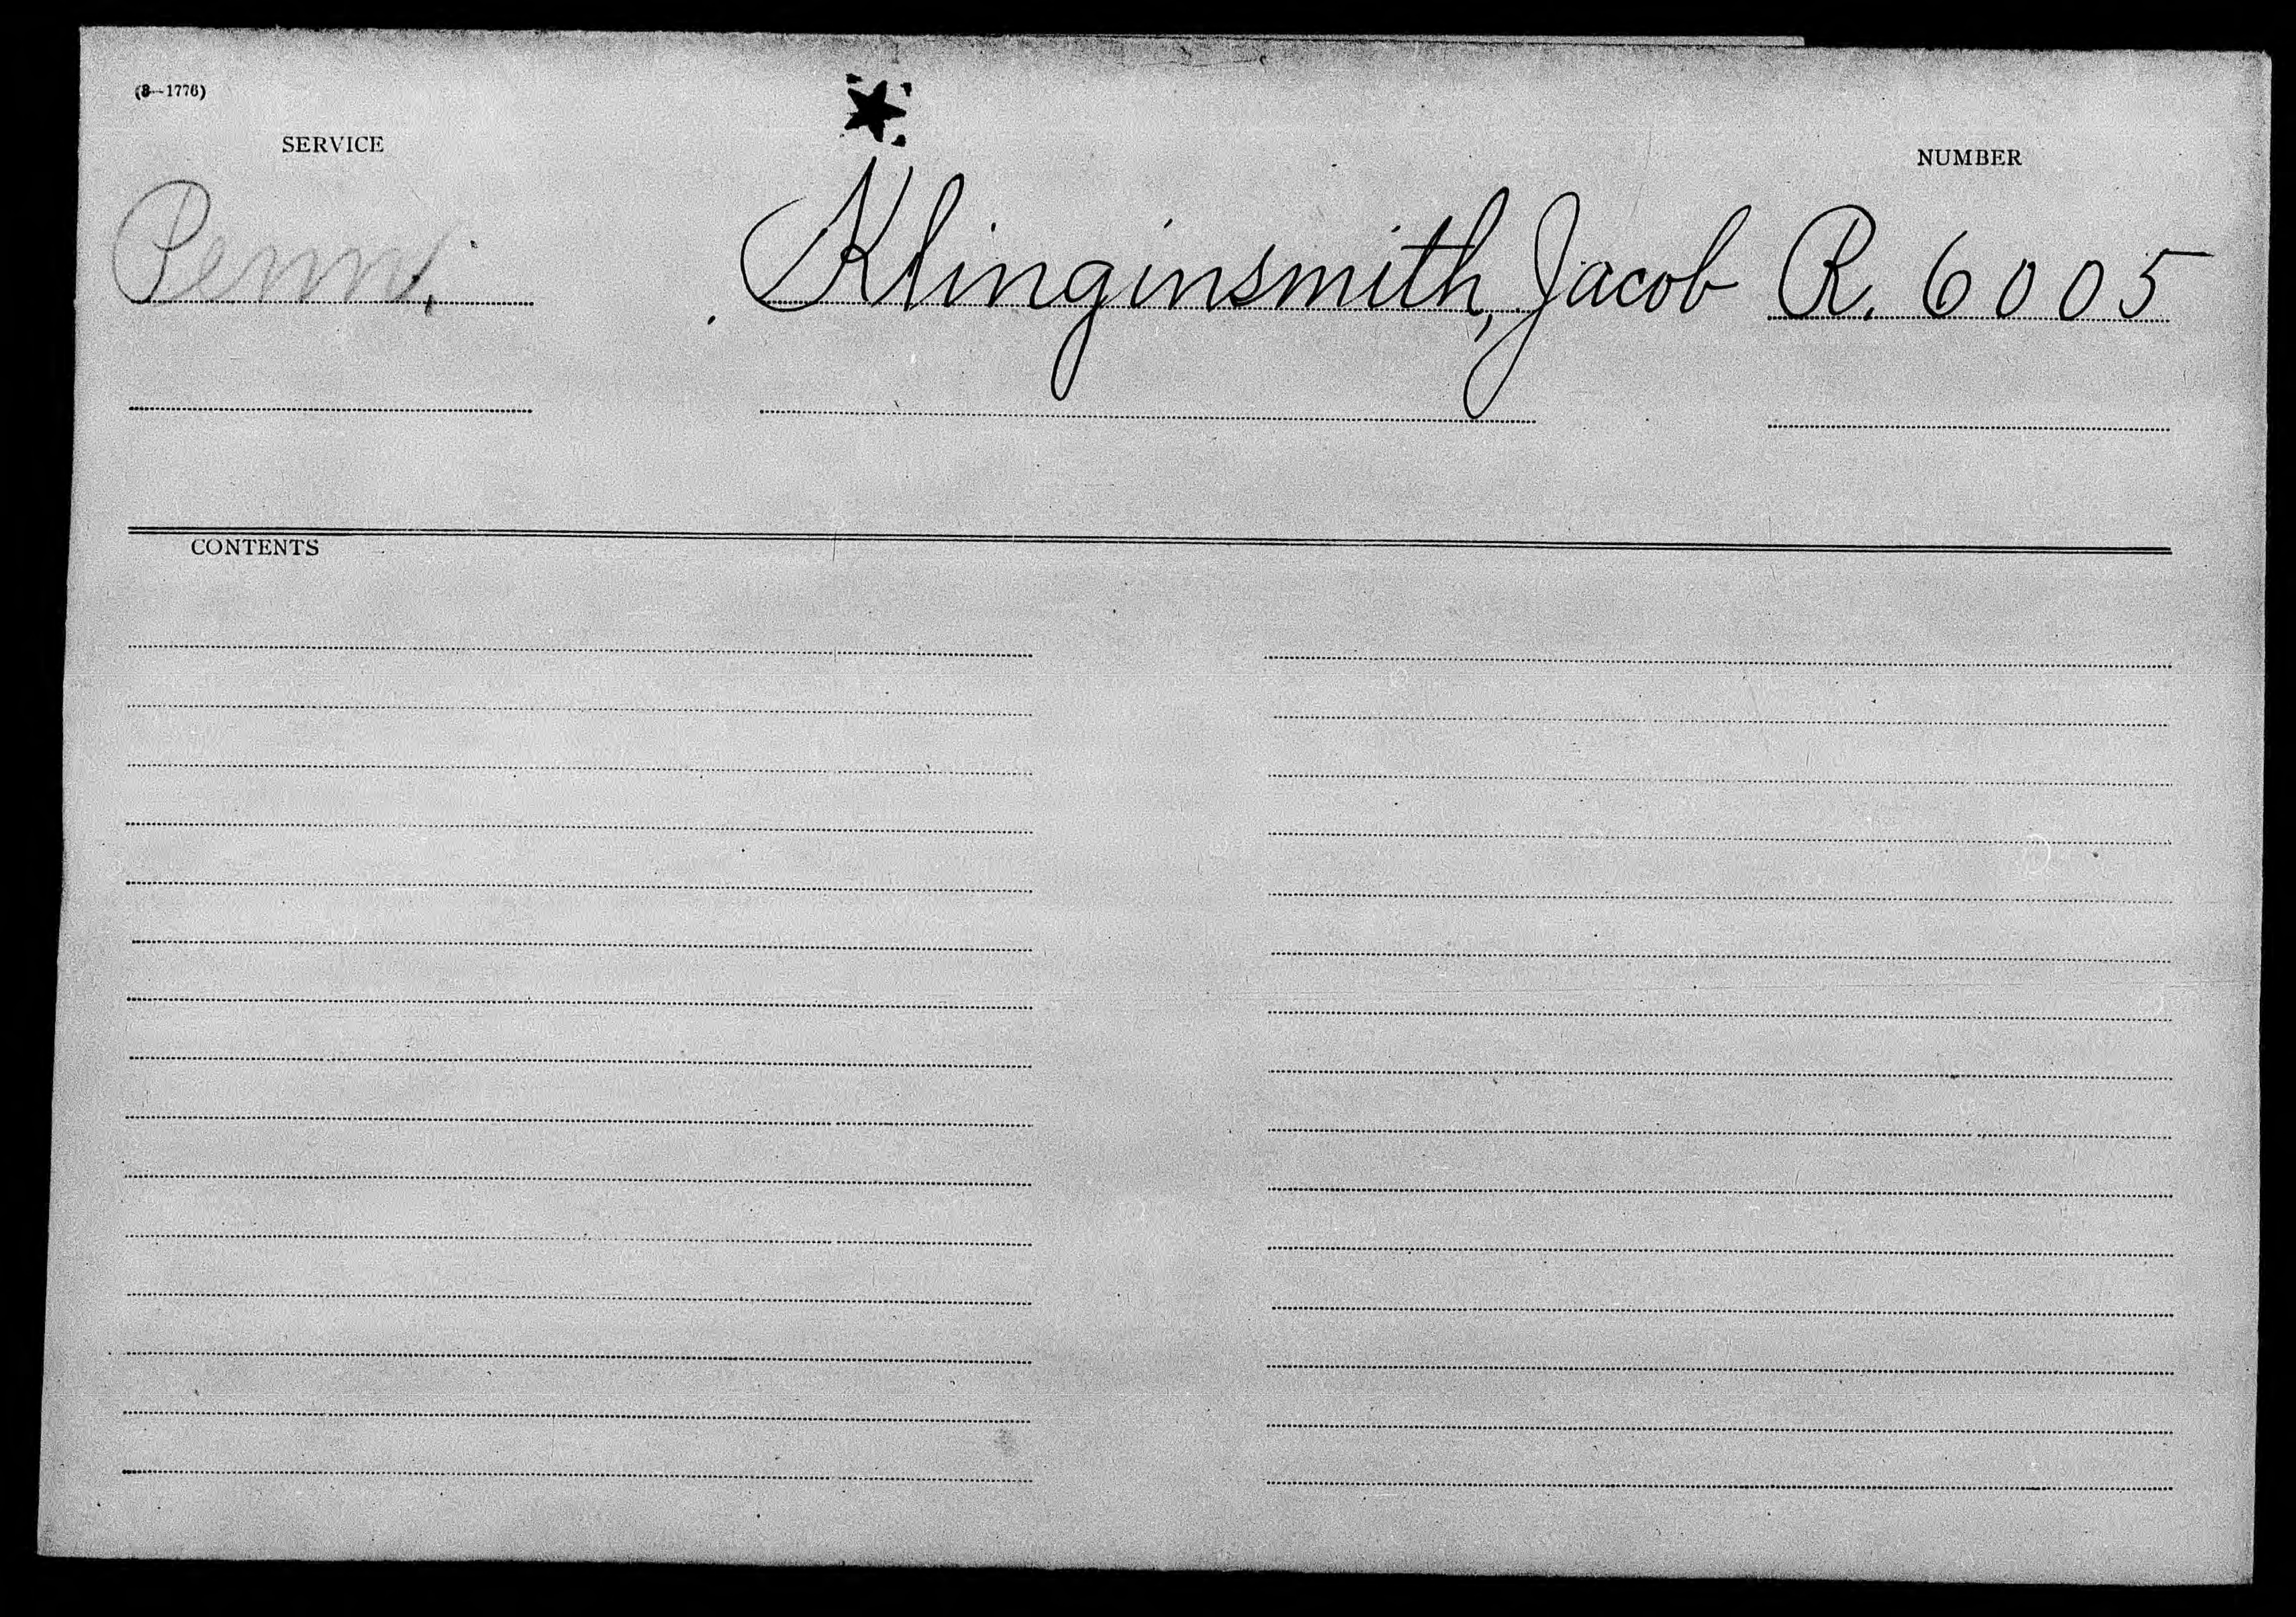Penn. Klinginsmith, Jacob R. 6005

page: 1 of 14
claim: rejected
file: R. 6005, for Jacob Klinginsmith, Pennsylvania